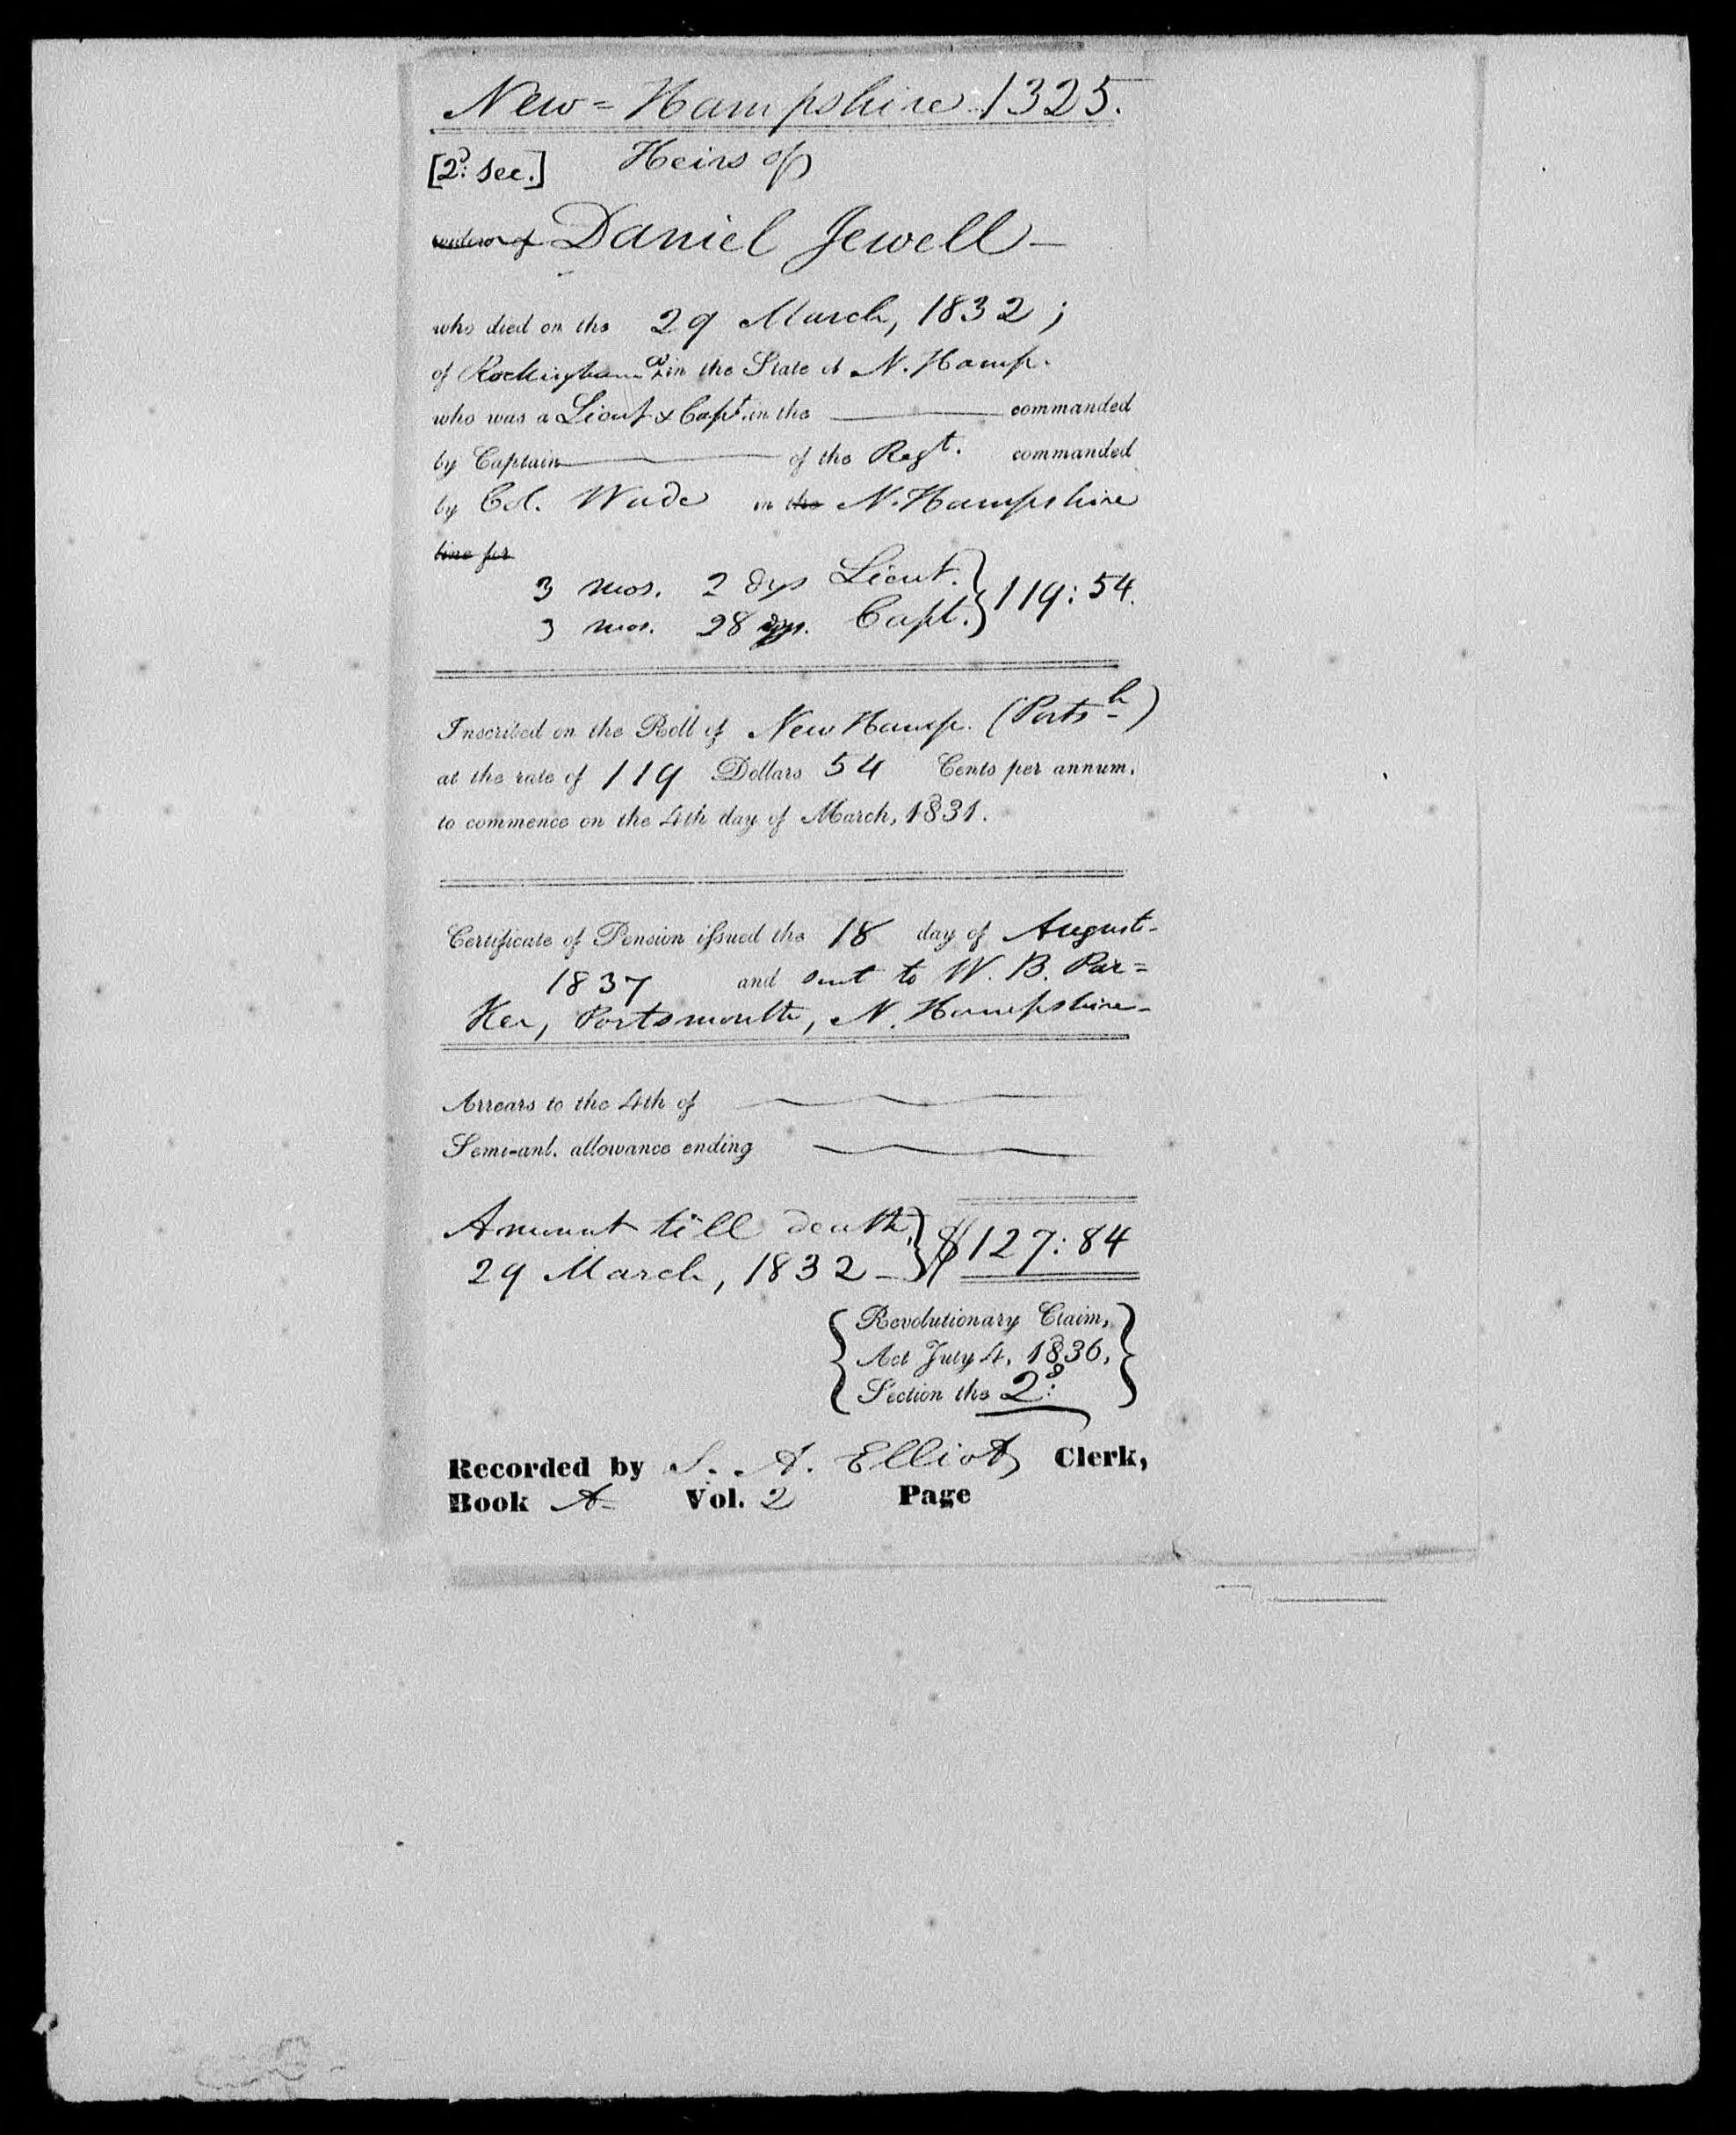New Hampshire 1325.
[2d Sec. [SECTION]] Heirs of Daniel Jewell- who died on the 29 March 1832; of Rockingham Co. in the State of N. Hamp. [NEW HAMPSHIRE] who was a Lieut & Capt. in the --- commanded by Captain --- of the Regt commanded by Col. Wade in N. [NEW] Hampshire
3 mos. 2 dys [DAYS] Lieut. 
3 mos. 28 dys [DAYS] Capt.} 119:54

Inscribed on the Roll of New Hamp. [HAMPSHIRE] (Portsh [PORTSMOUTH]) at the rate of 119 Dollars 54 Cents per annum, to commence on the 4th day of March, 1831.
Certificate of Pension issued the 18 day of August 1837 and sent to W. B. Parker, Portsmouth, N. [NEW] Hampshire
Arrears to the 4th of ---
Semi-anl. [ANNUAL] allowance ending ---

Amount till death, 29 March, 1832 - $127.84

{Revolutionary Claim, Act July 4, 1836,
Section the 2d}
Recorded by S. A. Elliot Clerk,
Book A Vol. 2 Page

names: W B Parker; [BLANK] Wade; S A Elliot; Daniel Jewell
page: 14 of 35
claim: survivor's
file: S. 10912, for Daniel Jewell, New Hampshire